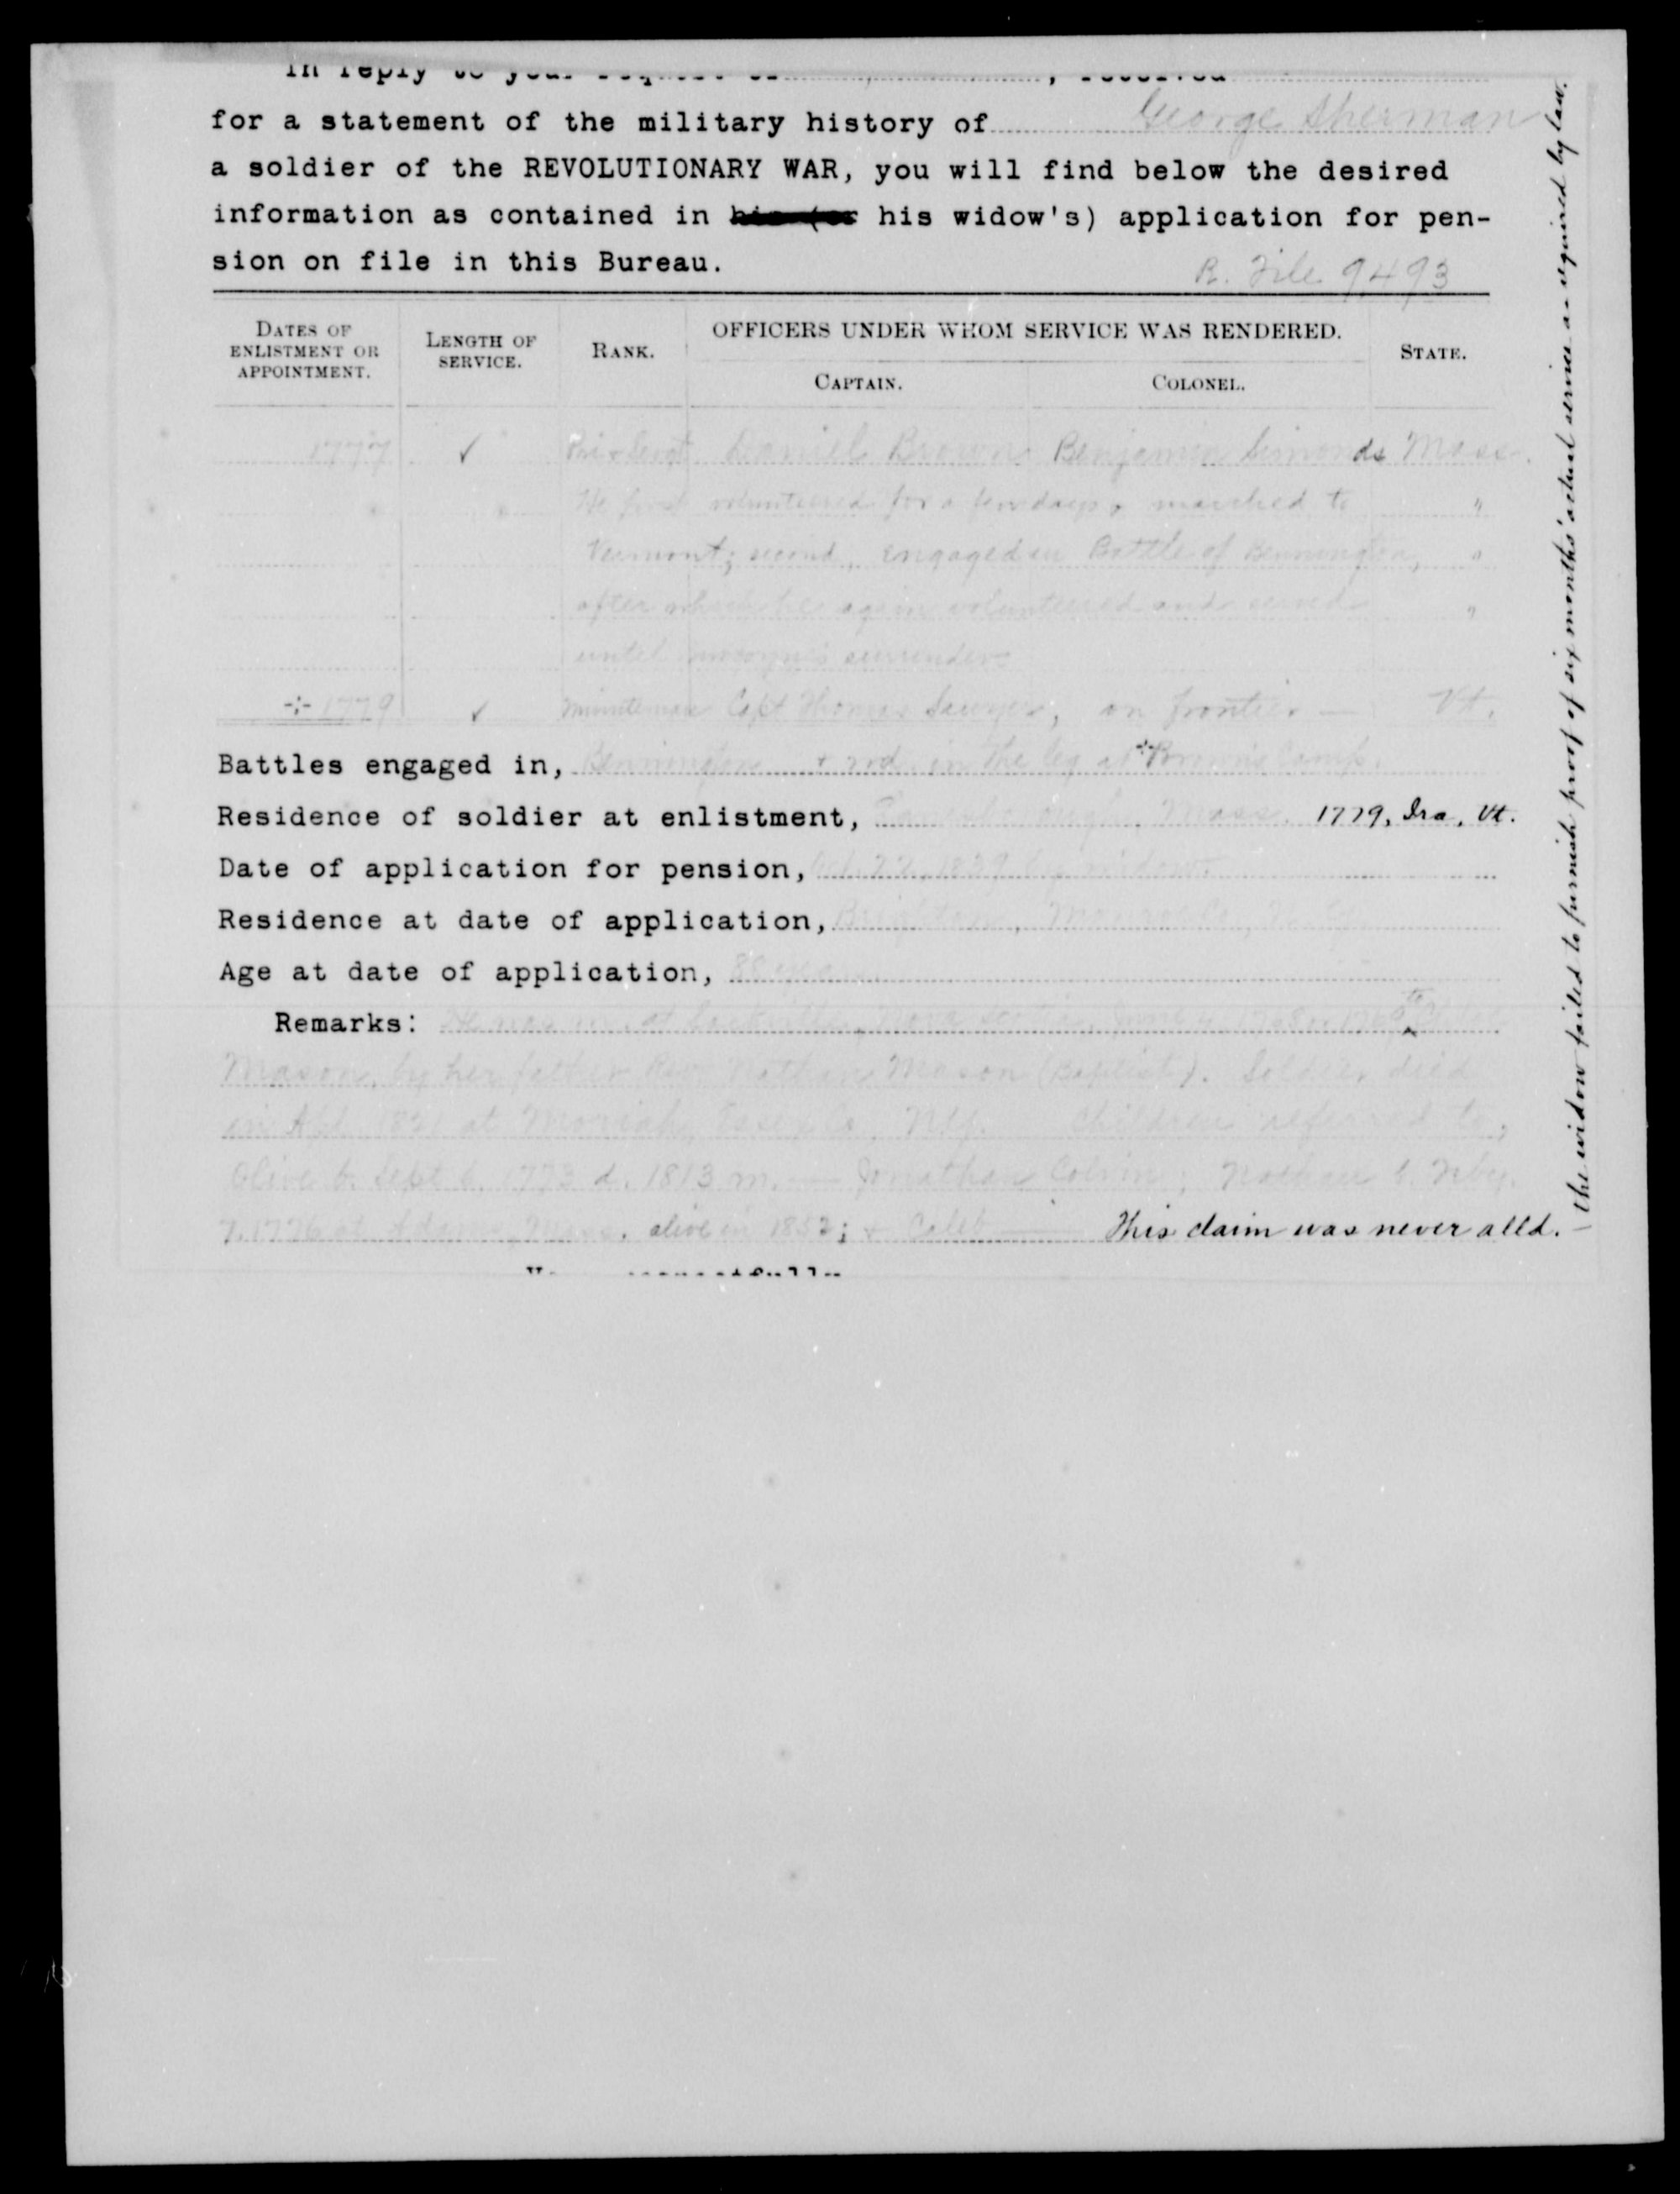In reply to your
for a statement of the military history of
George Sherman
a soldier of the REVOLUTIONARY WAR, you will find below the desired
information as contained in him for his widow's) application for pension
on file in this Bureau.
DATES OF
ENLISTMENT OR
APPOINTMENT.
LENGTH OF
SERVICE.
RANK.
R. File 9493
OFFICERS UNDER WHOM SERVICE WAS RENDERED.
CAPTAIN.
COLONEL.
STATE.
Pickens Daniel Brown Benjamin Simonds Moss
the fourteen for a few days, marched to
Vermont, second engaged in Battle of Benning
which he volunteered and
to render
into Capt. Thomas Sawyer, in front -
Battles engaged in the
Residence of soldier at enlistment,
1779, Ira, Vt.
Date of application for pension
seven per
Residence at date of application,
of
Age at date of application,
Remarks:
Mason by her father or mother Mason Baptist. Soldier died
Sept. 1723. 1873. Jonathan Colvin. Nathan Neby.
This claim was never all
proof of six months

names: Daniel Brown; Thomas Sawyer; Jonathan Colvin; Benjamin Simons; George Sherman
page: 52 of 52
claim: rejected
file: R. 9493, for George Sherman, Vermont